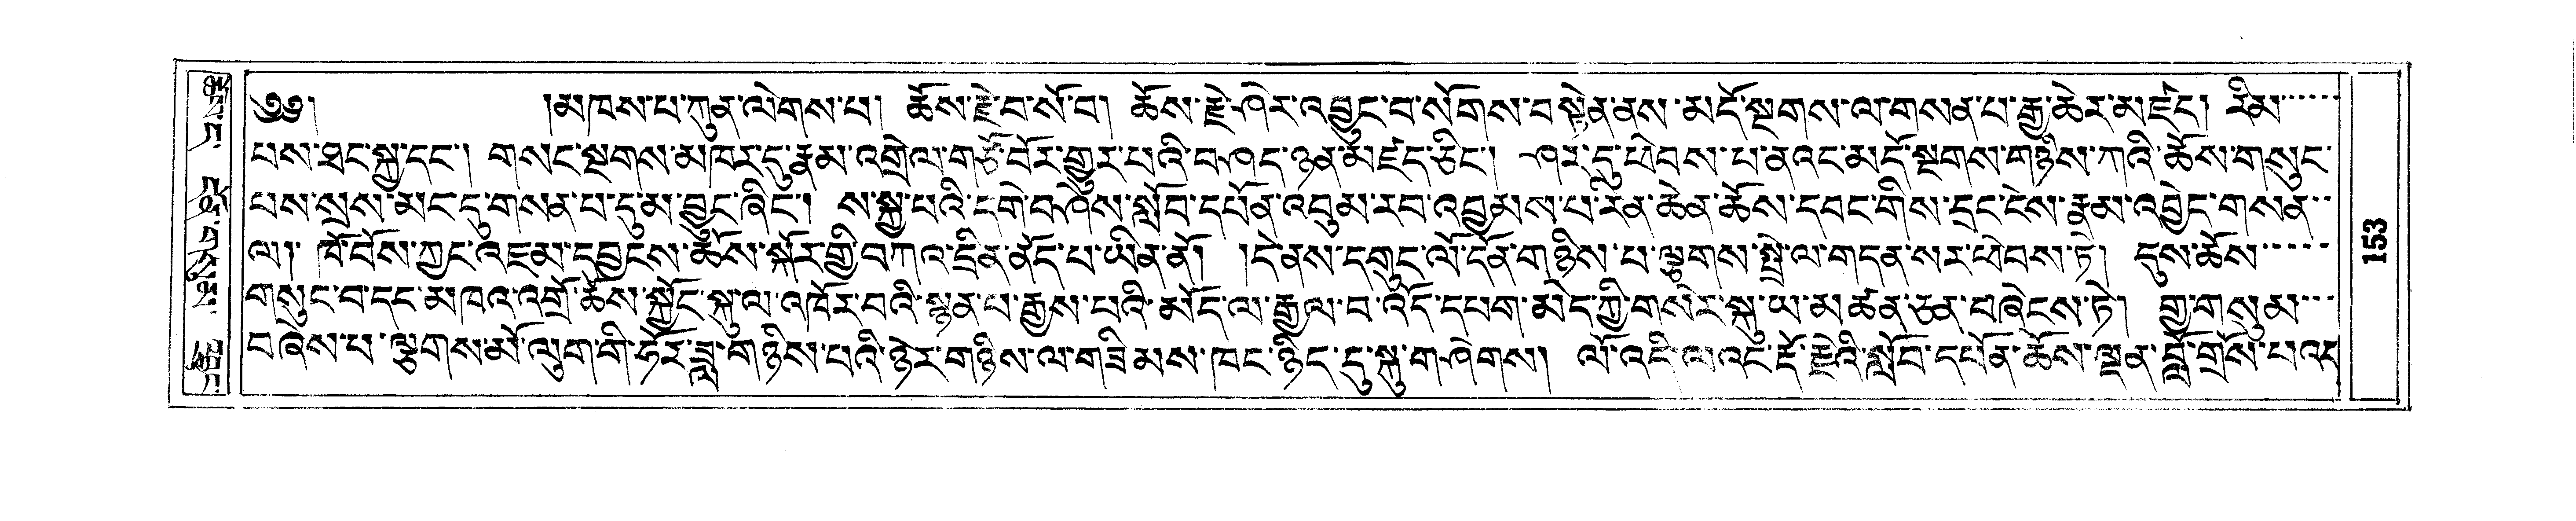༄༅། །མཁས་པ་ཀུན་ལེགས་པ། ཆོས་རྗེ་བ་སོ་བ། ཆོས་རྗེ་ཤེར་འབྱུང་བ་སོགས་བསྟེན་ནས་མདོ་སྔགས་ལ་གསན་པ་རྒྱ་ཆེར་མཛད། རིམ་
པས་ཐང་སྐྱ་དང་། གསང་སྔགས་མཁར་དུ་རྣམ་འགྲེལ་གཙོ་བོར་གྱུར་པའི་བཤད་ཉན་མཛད་ཅིང་། ཤར་དུ་ཕེབས་པ་ནའང་མདོ་སྔགས་གཉིས་ཀའི་ཆོས་གསུང་
པས་སྲས་མང་དུ་གསན་པ་དུ་མ་བྱུང་ཞིང་། ས་སྐྱ་པའི་དགེ་བཤེས་སློབ་དཔོན་འབུམ་རབ་འབྱམས་པ་རིན་ཆེན་ཆོས་དབང་གིས་དྲང་ངེས་རྣམ་འབྱེད་གསན་
ལ༑ ཁོ་བོས་ཀྱང་འཇམ་དབྱངས་ཆོས་སྐོར་གྱི་བཀའ་དྲིན་ནོད་པ་ཡིན་ནོ། །དེ་ནས་དགུང་ལོ་དོན་གཉིས་པ་ལྕགས་སྤྲེ་ལ་གདན་སར་ཕེབས་ཏེ། དུས་ཆོས་
གསུང་བ་དང་མཁའ་འགྲོ་ཆོས་སྐྱོང་སྐུ་ལ་འཁོར་བའི་སྙན་པ་རྒྱས་པའི་མདོ་ལ་རྒྱལ་བ་འོད་དཔག་མེད་ཀྱི་གསེར་སྐུ་ཡ་མཚན་ཅན་བཞེངས་ཏེ། གྱ་གསུམ་
བཞེས་པ་ལྕགས་མོ་ལུག་གི་ཧོར་ཟླ་གཉིས་པའི་ཉེར་གཉིས་ལ་གཟིམས་ཁང་ཉིད་དུ་སྐུ་གཤེགས། ལོ་འདི་ལའང་རྡོ་རྗེའི་སློབ་དཔོན་ཆོས་ལྡན་བློ་གྲོས་པའང་